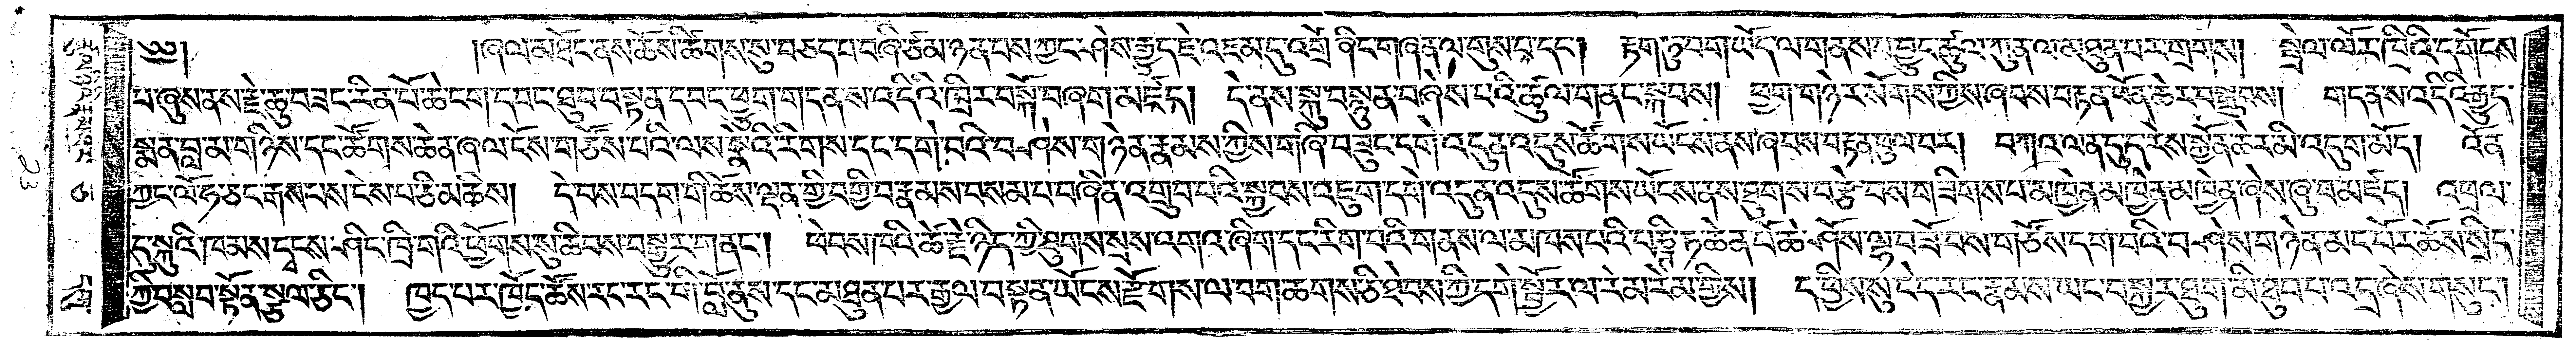༄༅། །ཞལ་མཐོང་ནས་ཆོས་ཚིགས་སུ་བཅད་བ་བཞི་ཙམ་ཉན་བས་ཀྱང་ཤེས་རྒྱུད་ཇེ་འཇམ་དུ་འགྲོ་ཞིང་གཞན་ལ་གུས་པ་དང་། རྟག་ཏུ་བག་ཡོད་ལ་གནས་པ་བྱུང་ཚུལ་ཀུན་ལ་མཐུན་པར་གྲགས། སྤྲེལ་ལོར་ཁྲིའི་དགོངས་
པ་ཞུས་ནས་རྗེ་ཆུ་བཟང་རིན་པོ་ཆེ་ངག་དབང་ཐུབ་བསྟན་དབང་ཕྱུག་གདན་ས་འདིའི་ཁྲིར་བསྐོ་བཞག་མཛད། དེ་ནས་སྐུ་བསྙུན་བཞེས་པའི་ཚུལ་གནང་སྐབས། ཕྱག་གཉེར་སོགས་ཀྱིས་ཞབས་བརྟན་ཕོན་ཆེར་བསྒྲུབས། གདན་ས་འདིའི་རྒྱུད་
སྨན་བླ་མ་གཉིས་དང་ཚོགས་ཆེན་ཞལ་ངོས་གཙོས་པའི་ལས་སྣེའི་རིགས་དང་དགེ་བའི་བཤེས་གཉེན་རྣམས་ཀྱིས་གཞི་བཟུང་དགེ་འདུན་འདུས་ཚོགས་ཡོངས་ནས་ཞབས་བརྟན་ཕུལ་བར། བཀའ་ལན་དུ་ད་རེས་སྐྱོན་ཆེར་མི་འདུག་མོད། འོན་
ཀྱང་ལོ་ཧ་ཅང་རྒས་པས་ངེས་པ་ཅི་མཆིས། དེ་བས་བདག་གི་ཆོས་ལྡན་གྱི་བགྱི་བ་རྣམས་བསམ་པ་བཞིན་འགྲུབ་པའི་སྐྱབས་འཇུག་དགེ་འདུན་འདུས་ཚོགས་ཡོངས་ནས་ཐུགས་བརྩེ་བས་གཟིགས་པ་མཁྱེན་མཁྱེན་མཁྱེན་ཞེས་ཞུ་བ་མཛད། འཕྲལ་
དུ་སྐུའི་ཁམས་དྭངས་ཤིང་ཁྲི་གའི་ཕྱོགས་སུ་ཆིབས་བསྒྱུར་གནང་། ཕེབས་ཁའི་ཚེ་རྗེ་ཉིད་ཀྱི་ཐུགས་སྲས་འགའ་ཞིག་དང་རིག་པའི་གནས་ལ་མཁས་པའི་པཎྜི་ཏ་ཆེན་པོ་ཆེ་ཤོས་ལྷ་བཟོ་བས་གཙོས་དགེ་བའི་བཤེས་གཉེན་མང་པོར་ཆོས་སྲིད་
ཀྱི་བསླབ་སྟོན་སྩལ་ཅིང་། ཁྱད་པར་ཁྱོད་ཚོས་རང་རང་གི་བློ་ནུས་དང་མཐུན་པར་རྒྱལ་བསྟན་ཡོངས་རྫོགས་ལ་བག་ཆགས་ཅི་ཐེབས་གྱི་དགེ་སྦྱོར་ལ་རེམ་རེམ་གྱིས། ད་ཕྱིས་སུ་ངེད་རང་རྣམས་ཡང་བསྐྱར་ཐུག་མི་ཐུབ་པ་འདྲ་ཞེས་གསུང་།